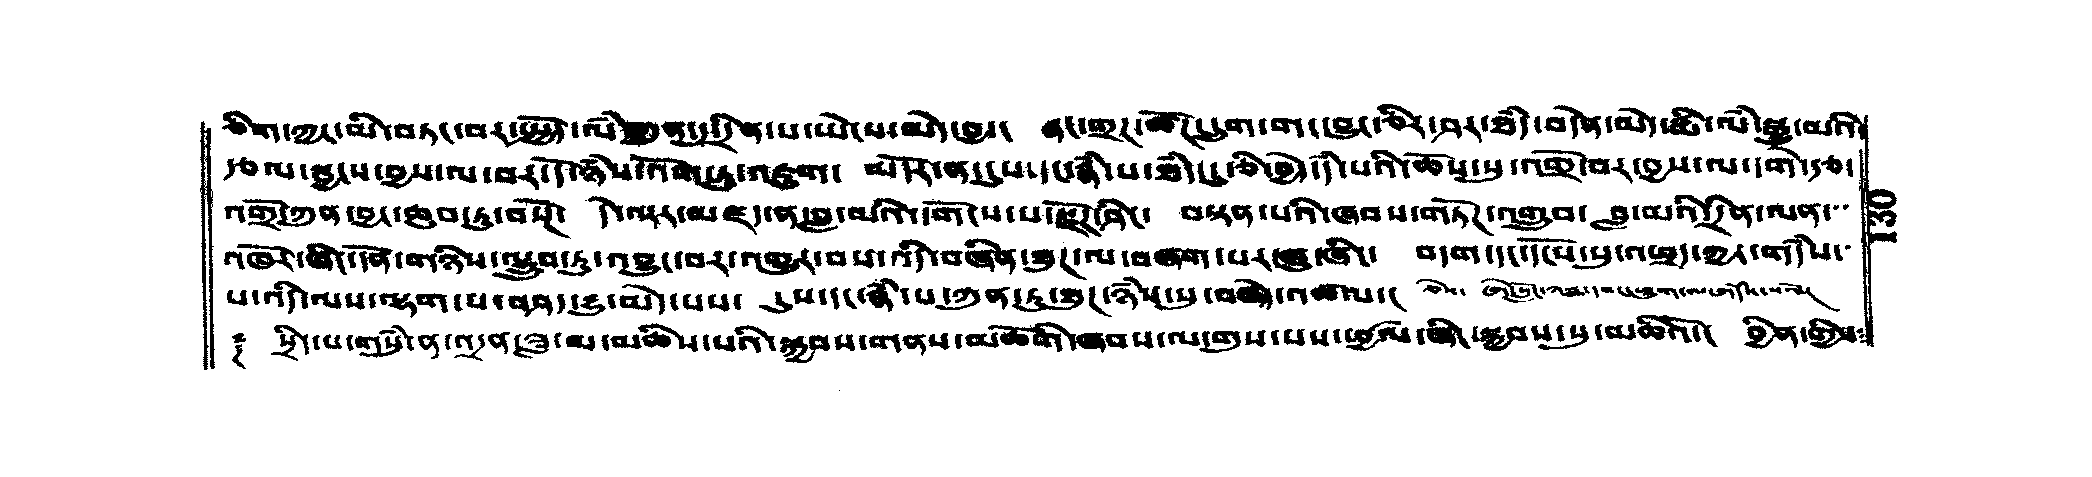ཅིག་ཀྱང་མི་བཏང་བར་སྤྱོད་ལམ་ཀུན་ཏུ་དྲན་པ་ཡེངས་མེད་བྱ། སྣང་གྲགས་ཚོགས་དྲུག་གང་བྱུང་ཅིར་ཤར་ཐམས་ཅད་བདེན་མེད་རྨི་ལམ་སྒྱུ་མའི་
རྩལ་སྦྱངས་བྱས་ལ་བར་དོ་ཉམས་འོག་ཏུ་འཇུག མདོར་ན་དུས་དང་རྣམ་པ་ཐམས་ཅད་དུ་ཅི་བྱས་དམ་པའི་ཆོས་སུ་འགྲོ་བར་བྱས་ལ་དགེ་རྩ་
འགྲོ་ཀུན་བྱང་ཆུབ་ཏུ་བསྔོ། དེ་ལྟར་མཛད་ན་བླ་མའི་དགོངས་པ་རྫོགས་ཤིང་། བསྟན་པའི་ཞབས་གཏོག་འགྲུབ། བླ་མའི་དྲིན་ལན་
འཁོར་ཞིང་དོན་གཉིས་ལྷུན་གྲུབ་ཏུ་འབྱུང་བར་འགྱུར་བས་འདི་བཞིན་ཐུགས་ལ་བཞག་པར་ཞུ་ཞིང་བདག་དང་དངོས་སུ་འཕྲད་ཀྱང་གདམས་
པ་འདི་ལས་ལྷག་པ་བཤད་རྒྱུ་མེད་པས། དུས་དང་རྣམ་པ་ཀུན་ཏུ་ཐུགས་ཉམས་སུ་བཞེད་འཚལ། ཅེས་དགེ་སློང་ཀརྨ་དབང་ཕྱུག་ལ་གདམས་པའོ།། 
སྲིད་པ་གསུམ་ན་འགྲན་ཟླ་མ་མཆིས་པའི་སྐྱབས་གནས་མཆོག་གི་ཞབས་ལ་གུས་པས་ཕྱག་འཚལ་ཞིང་སྐྱབས་སུ་མཆིའོ། བྱིན་གྱིས་